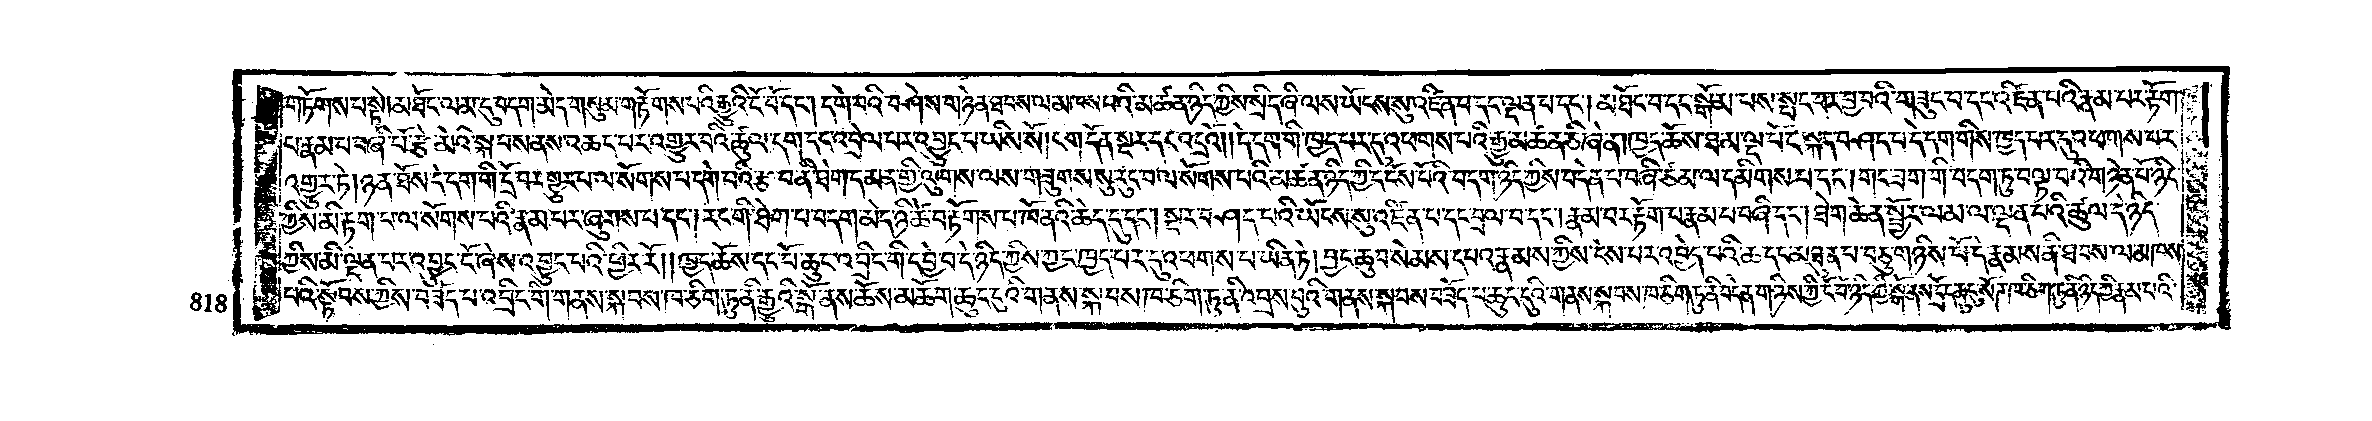གཏོགས་པ་སྟེ། མཐོང་ལམ་དུ་བདག་མེད་གསུམ་ག་རྟོགས་པའི་རྒྱུའི་ངོ་བོ་དང་། དགེ་བའི་བཤེས་གཉེན་ཐབས་ལ་མཁས་པའི་མཚན་ཉིད་ཀྱིས་སྲིད་ཞི་ལས་ཡོངས་སུ་འཛིན་པ་དང་ལྡན་པ་དང་། མཐོང་བ་དང་སྒོམ་པས་སྤང་བར་བྱ་བའི་གཟུང་བ་དང་འཛིན་པའི་རྣམ་པར་རྟོག་
པ་རྣམ་པ་བཞི་པོ་རྩེ་མོའི་སྐབས་ནས་འཆད་པར་འགྱུར་བའི་ཚུལ་དག་དང་འབྲེལ་པར་འབྱུང་བ་ཡིས་སོ། །ངག་དོན་སྔར་དང་འདྲའོ། །དེ་དག་གི་ཁྱད་པར་དུ་འཕགས་པའི་རྒྱུ་མཚན་ཅི་ཞེ་ན། ཁྱད་ཆོས་ཐ་མ་ལྔ་པོ་ཇི་སྐད་བཤད་པ་དེ་དག་གིས་ཁྱད་པར་དུ་འཕགས་པར་
འགྱུར་ཏེ། ཉན་ཐོས་དེ་དག་གི་དྲོ་བར་གྱུར་པ་ལ་སོགས་པ་དགེ་བའི་རྩ་བ་ནི་ཐེག་དམན་གྱི་ལུགས་ལས་གཟུགས་སུ་རུང་བ་ལ་སོགས་པའི་མཚན་ཉིད་ཀྱི་དངོས་པོའི་བདག་ཉིད་ཀྱིས་བདེན་པ་བཞི་ཙམ་ལ་དམིགས་པ་དང་། གང་ཟག་གི་བདག་ཏུ་བལྟ་བའི་གཉེན་པོ་ཉིད་
ཀྱིས་མི་རྟག་པ་ལ་སོགས་པའི་རྣམ་པར་ཞུགས་པ་དང་། རང་གི་ཐེག་པ་བདག་མེད་ཉི་ཚེ་བ་རྟོགས་པ་ཁོ་ནའི་ཆེད་དུ་དང་། སྔར་བཤད་པའི་ཡོངས་སུ་འཛིན་པ་དང་བྲལ་བ་དང་། རྣམ་པར་རྟོག་པ་རྣམ་པ་བཞི་དང་། ཐེག་ཆེན་སྦྱོར་ལམ་ལ་ལྡན་པའི་ཚུལ་དེ་ཉིད་
ཀྱིས་མི་ལྡན་པར་འབྱུང་ངོ་ཞེས་འབྱུང་བའི་ཕྱིར་རོ། །ཁྱད་ཆོས་དང་པོ་ཆུང་འབྲིང་གི་དབྱེ་བ་དེ་ཉིད་ཀྱིས་ཀྱང་ཁྱད་པར་དུ་འཕགས་པ་ཡིན་ཏེ། བྱང་ཆུབ་སེམས་དཔའ་རྣམས་ཀྱིས་ངེས་པར་འབྱེད་པའི་ཆ་དང་མཐུན་པ་བཅུ་གཉིས་པོ་དེ་རྣམས་ནི་ཐབས་ལ་མཁས་
པའི་སྟོབས་ཀྱིས་བཟོད་པ་འབྲིང་གི་གནས་སྐབས་ཁ་ཅིག་ཏུ་ནི་རྒྱུའི་སྒོ་ནས་ཆོས་མཆོག་ཆུང་ངུའི་གནས་སྐབས་ཁ་ཅིག་ཏུ་ནི་འབྲས་བུའི་གནས་སྐབས་བཟོད་པ་ཆུང་ངུའི་གནས་སྐབས་ཁ་ཅིག་ཏུ་ནི་བདེན་གཉིས་ཀྱི་ངོ་བོ་ཉིད་ཀྱི་སྒོ་ནས་དྲོད་ཆུང་ངུ་སོགས་ཁ་ཅིག་ཏུ་ནི་ཉིད་ཀྱི་རྣམ་པའི་